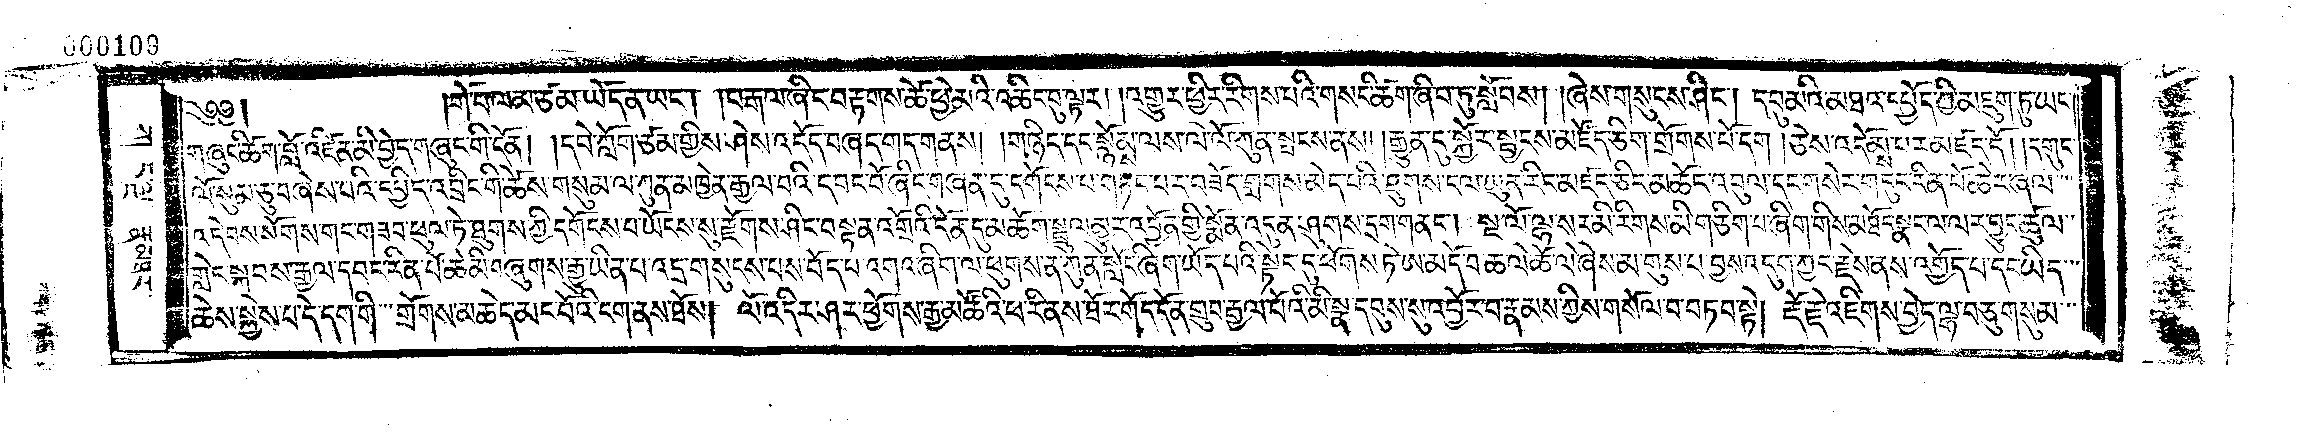༄༅། །གོ་བ་ལམ་ཙམ་ཡོད་ན་ཡང་། །བརྒལ་ཞིང་བརྟགས་ཚེ་ཕྱེ་མའི་འཆིང་བུ་ལྟར། །འགྱུར་ཕྱིར་རིགས་པའི་གསང་ཚིག་ཞིབ་ཏུ་སློབས། །ཞེས་གསུངས་ཤིང་། དབུ་མའི་མཐའ་དཔྱོད་ཀྱི་མཇུག་ཏུ་ཡང་།
གཞུང་ཚིག་བློ་འཛིན་མི་བྱེད་གཞུང་གི་དོན། །དཔེ་ཀློག་ཙམ་གྱིས་ཤེས་འདོད་བཞད་གད་གནས། །གཉིད་དང་སྙོམ་ལས་ལེ་ལོ་ཀུན་སྤངས་ནས། །རྒྱུན་དུ་སྐྱོར་སྦྱངས་མཛོད་ཅིག་གྲོགས་པོ་དག །ཅེས་འདོམ་པར་མཛད་དོ། །དགུང་
ལོ་སུམ་ཅུ་བཞེས་པའི་དཔྱིད་འབྲིང་གི་ཚེས་གསུམ་ལ་ཀུན་མཁྱེན་རྒྱལ་བའི་དབང་པོ་ཞིང་གཞན་དུ་དགོངས་པ་གཏད་པར་བཟོད་གླགས་མེད་པའི་ཐུགས་ངལ་ཡུན་རིང་མཛད་ཅིང་མཆོད་འབུལ་དང་གསེར་གདུང་རིན་པོ་ཆེར་ཞལ་
འདེབས་སོགས་གང་གཟབ་ཕུལ་ཏེ་ཐུགས་ཀྱི་དགོངས་པ་ཡོངས་སུ་རྫོགས་ཤིང་བསྟན་འགྲོའི་དོན་དུ་མཆོག་སྤྲུལ་མྱུར་འབྱོན་གྱི་སྨོན་འདུན་ཤུགས་དྲག་གནང་། སྔ་ལོ་ལྷ་སར་མི་རིགས་མི་གཅིག་པ་ཞིག་གིས་མཐོང་སྣང་ལ་ལར་བྱུང་ཚུལ་
གླེང་སྐབས་རྒྱལ་དབང་རིན་པོ་ཆེ་མི་བཞུགས་རྒྱུ་ཡིན་པ་འདྲ་གསུངས་པས་བོད་པ་འགའ་ཞིག་ལ་ཕུགས་ན་ཀུན་སློང་ཞིག་ཡོད་པའི་སྟེང་དུ་ཕོགས་ཏེ་ཨ་མདོ་བ་ཆ་ལེ་ཆོ་ལེ་ཞེས་མ་གུས་པ་བྱས་འདུག་ཀྱང་རྗེས་ནས་འགྱོད་པ་དང་ཡིད་
ཆེས་སྐྱེས་པ་དེ་དག་གི་གྲོགས་མཆེད་མང་པོའི་ངག་ནས་ཐོས། ལོ་འདིར་ཤར་ཕྱོགས་རྒྱ་མཚོའི་ཕ་རི་ནས་ཐོར་གོད་དོན་གྲུབ་རྒྱལ་བོའི་མི་སྣ་དབུས་སུ་འབྱོར་པ་རྣམས་ཀྱིས་གསོལ་བ་བཏབ་སྟེ། རྡོ་རྗེ་འཇིགས་བྱེད་ལྷ་བཅུ་གསུམ་